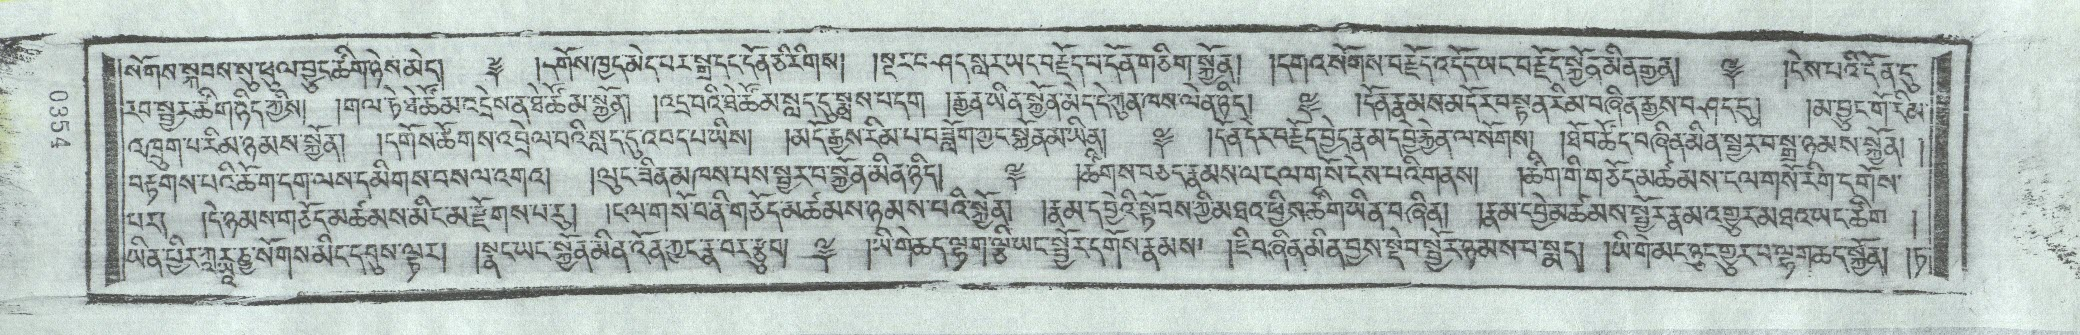སོགས་སྐབས་སུ་ཕུལ་བྱུང་ཚིག་ཉེས་མེད། ༈ །དགོས་ཁྱེད་མེད་པར་གྲ་དང་དོན་ཅི་རིགས། །སྔར་བཤད་སླར་ཡང་བརྗོད་པ་དོན་གཅིག་སྐྱོན། །དགའ་སོགས་བརྗོད་འདོད་ཡང་བརྗོད་སྐྱོན་མིན་རྒྱན། ༈ །ངེས་པའི་དོན་དུ་
རབ་སྦྱར་ཚིག་ཉིད་ཀྱིས། །གལ་ཏེ་ཐེ་ཚོམ་འདྲེས་ན་ཐེ་ཚོམ་སྐྱོན། །འདྲ་བའི་ཐེ་ཚོམ་སླད་དུ་སྨྲས་བདག །རྒྱན་ཡིན་སྐྱོན་མེད་དེ་ཀུན་ཁས་ལེན་ཉིད། ༈ །དོན་རྣམས་མདོར་བསྟན་རིམ་བཞིན་རྒྱས་བཤད་དུ། །མ་བྱུང་?མ་
འཁྲུག་པ་རིམ་ཉམས་སྐྱོན། །དགོས་ཚོགས་འབྲལ་བའི་སླད་དུ་འབད་པ་ཡིས། །མདོ་རྒྱས་རིམ་པ་བཟློག་ཀྱང་སྐྱོན་མ་ཡིན། ༈ །དོན་དེར་བརྗོད་བྱེད་རྣམ་དབྱེ་རྐྱེན་ལ་སོགས། །ཐོབ་ཚོད་བཞིན་མིན་སྦྱར་བ་སྒྲ་ཉམས་སྐྱོན། །
བརྟགས་པའི་ཆོ་ག་དག་ལས་དམིགས་བསལ་འགའ། །ལུང་ཟིན་མཁས་པས་སྦྱར་རབ་སྐྱོན་མིན་ཉིད། ༈ །ཚིགས་བཅད་རྣམས་ལ་ངལ་གསོ་ངེས་པའི་གནས། །ཚིག་གི་གཅོད་མཚམས་ངལ་གསོ་རིག་དགོས་
པར། །དེ་ཉམས་གཅོད་མཚམས་མིང་མ་རྫོགས་པ་རུ། །ངལ་གསོ་བ་ནི་གཅོད་མཚམས་ཉམས་པའི་སྐྱོན། །རྣམ་དབྱེའི་སྟོབས་ཀྱི་མཐའ་ཕྱིས་ཚིག་ཡིན་བཞིན། །རྣམ་དབྱེ་མཚམས་སྦྱོར་རྣམས་འགྱུར་ཐའ་ཡང་ཚིག །
ཡིན་ཕྱིར་ཀླརྱཱ་ཎྱ་སོགས་མང་དབུས་ལྟར། །སྣང་ཡང་སྐྱོན་མིན་འོན་ཀྱང་རྣ་བར་རྩུབ། ༈ །ཡི་གེ་ཆད་ལྷག་ལྕི་ཡང་སྦྱོར་དགོས་རྣམས། །ཇི་བཞིན་མིན་བྱས་སྡེ་བ་སྦྱོར་ཉམས་པ་སྨད། །ཡི་གེ་མང་ཉུང་གྱུར་བ་ལྟག་ཆག་སྐྱོན། །ཏ་